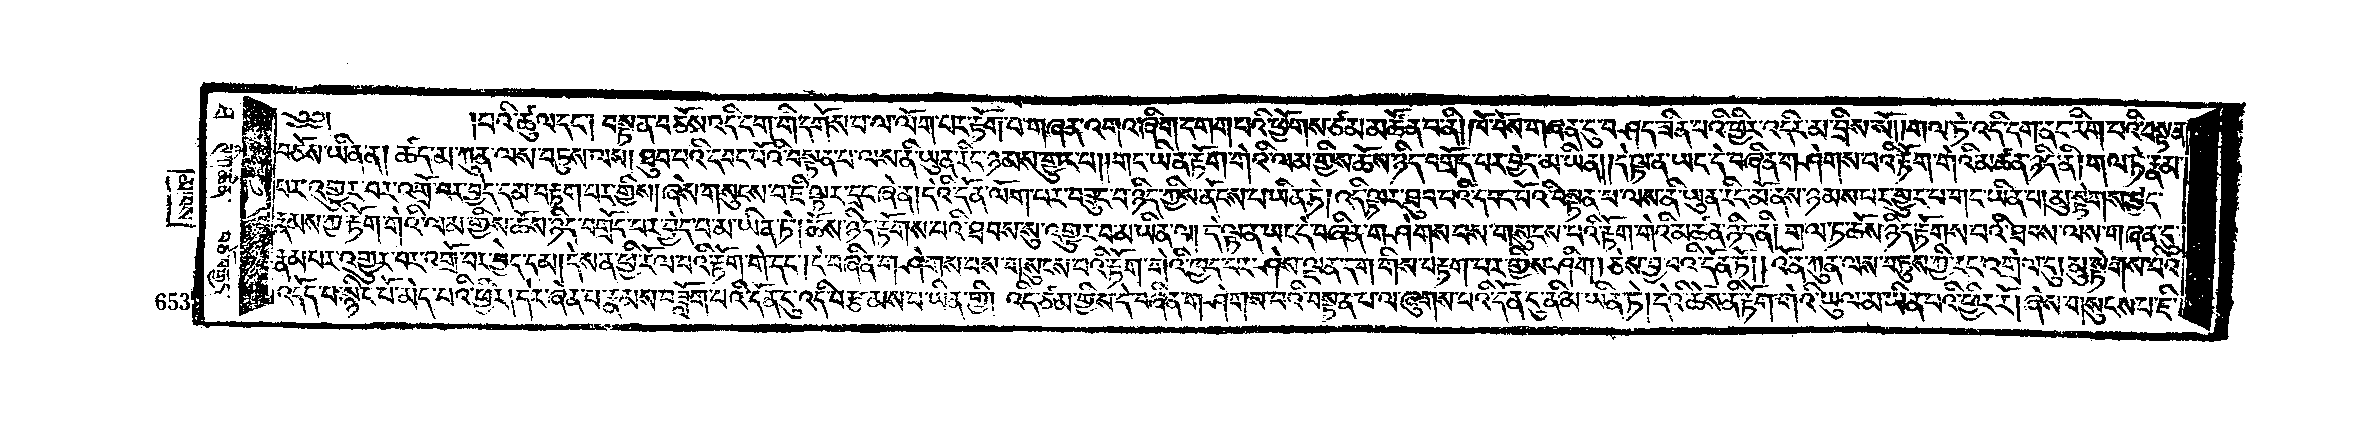༄༅། །པའི་ཚུལ་དང་། བསྟན་བཅོས་འདི་དག་གི་དགོས་པ་ལ་ལོག་པར་རྟོག་པ་གཞན་འགའ་ཞིག་དགག་པའི་ཕྱོགས་ཙམ་མཚོན་པ་ནི། ཁོ་བོས་གཞན་དུ་བཤད་ཟིན་པའི་ཕྱིར་འདིར་མ་བྲིས་སོ། །གལ་ཏེ་འདི་དག་ནང་རིག་པའི་བསྟན་
བཅོས་ཡིན་ན། ཚད་མ་ཀུན་ལས་བཏུས་ལས། ཐུབ་པའི་དབང་པོའི་བསྟན་པ་ལས་ནི་ཡུན་རིང་ཉམས་གྱུར་པ། གང་ཡིན་རྟོག་གེའི་ལམ་གྱིས་ཆོས་ཉིད་བགྲོད་པར་བྱེད་མ་ཡིན། །དེ་ལྟ་ན་ཡང་དེ་བཞིན་གཤེགས་པའི་རྟོག་གེའི་མཚན་ཉིད་ནི། གལ་ཏེ་རྣམ་
པར་འགྱུར་བར་འགྲོ་བར་བྱེད་དམ་བརྟག་པར་གྱིས། ཞེས་གསུངས་པ་ཇི་ལྟར་དྲང་ཞེ་ན། དེའི་དོན་ལོག་པར་བཟུང་བ་ཉིད་ཀྱིས་ནོངས་པ་ཡིན་ཏེ། འདི་ལྟར་ཐུབ་པའི་དབང་པོའི་བསྟན་པ་ལས་ནི་ཡུན་རིང་མོ་ནས་ཉམས་པར་གྱུར་པ་གང་ཡིན་པ། མུ་སྟེགས་བྱེད་
རྣམས་ཀྱི་རྟོག་གེའི་ལམ་གྱིས་ཆོས་ཉིད་བགྲོད་པར་བྱེད་པ་མ་ཡིན་ཏེ། ཆོས་ཉིད་རྟོགས་པའི་ཐབས་སུ་འགྱུར་བ་མ་ཡིན་ལ། དེ་ལྟ་ན་ཡང་དེ་བཞིན་གཤེགས་པས་གསུངས་པའི་རྟོག་གེའི་མཚན་ཉིད་ནི། གལ་ཏེ་ཆོས་ཉིད་རྟོགས་པའི་ཐབས་ལས་གཞན་དུ་
རྣམ་པར་འགྱུར་བར་འགྲོ་བར་བྱེད་དམ། དེས་ན་ཕྱི་རོལ་པའི་རྟོག་གེ་དང་། དེ་བཞིན་གཤེགས་པས་གསུངས་པའི་རྟོག་གེའི་ཁྱད་པར་ཤེས་ལྡན་དག་གིས་བརྟག་པར་གྱིས་ཤིག །ཅེས་བྱ་བའི་དོན་ཏོ། །འོ་ན་ཀུན་ལས་བཏུས་ཀྱི་རང་འགྲེལ་དུ། མུ་སྟེགས་པའི་
འདོད་པ་སྙིང་པོ་མེད་པའི་ཕྱིར། དེར་ཞེན་པ་རྣམས་བཟློག་པའི་དོན་དུ་འདི་བརྩམས་པ་ཡིན་གྱི། འདི་ཙམ་གྱིས་དེ་བཞིན་གཤེགས་པའི་བསྟན་པ་ལ་ཞུགས་པའི་དོན་དུ་ནི་མ་ཡིན་ཏེ། དེའི་ཆོས་ནི་རྟོག་གེའི་ཡུལ་མ་ཡིན་པའི་ཕྱིར་རོ། །ཞེས་གསུངས་པ་ཇི་